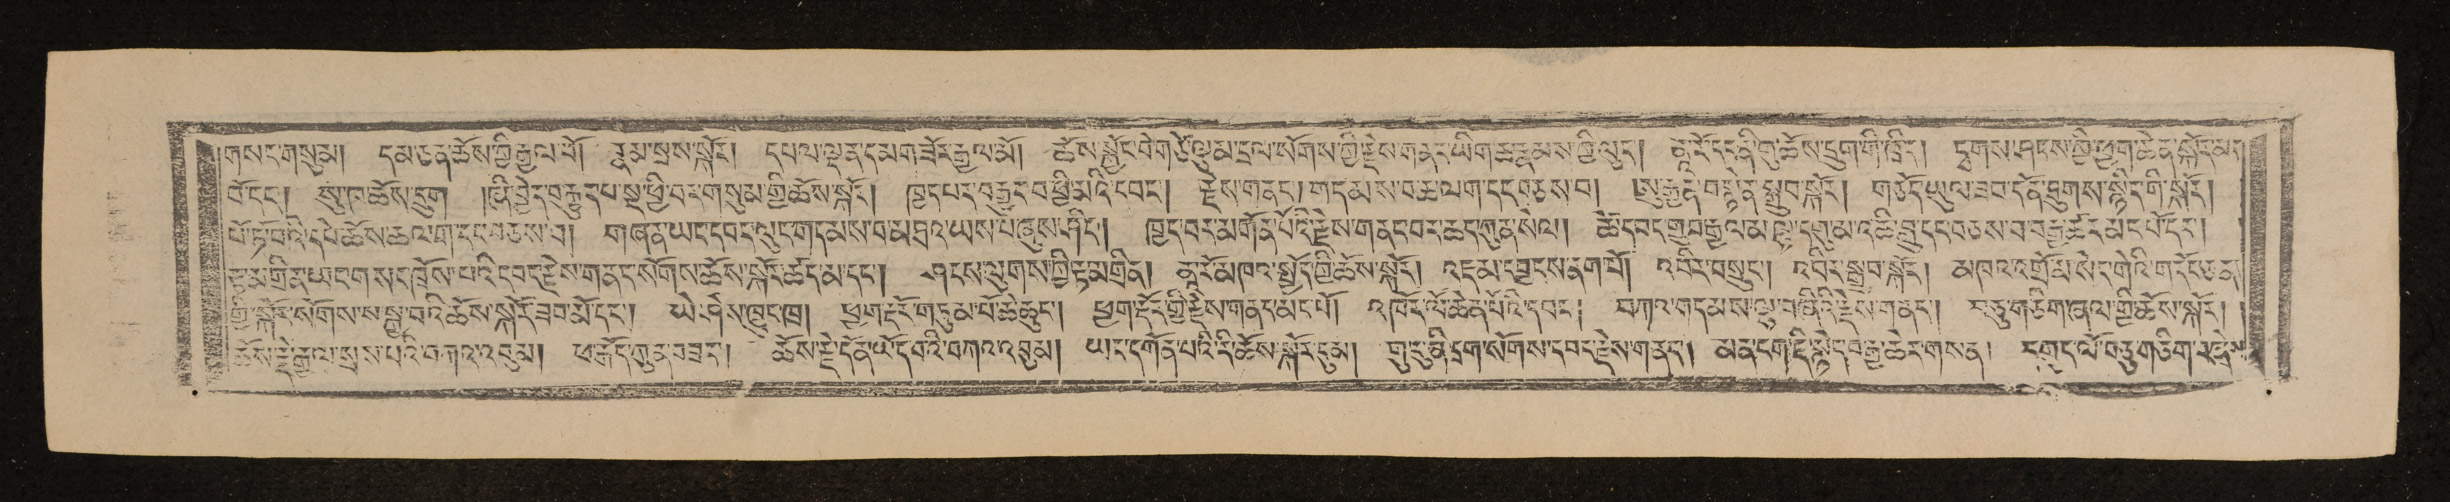གསང་གསུམ། དམ་ཅན་ཆོས་ཀྱི་རྒྱལ་པོ། རྣམ་སྲས་སྐོར། དཔལ་ལྡན་དམག་ཟོར་རྒྱལ་མོ། ཆོས་སྐྱོང་བེག་ཙེ་ལྕམ་དྲལ་སོགས་ཀྱི་རྗེས་གནང་ཡིག་ཆ་རྣམས་ཀྱི་ལུང་། ནཱ་རོ་དང་ནི་གུ་ཆོས་དྲུག་གི་ཁྲིད། དྭགས་ཤངས་ཀྱི་ཕྱག་ཆེན་སྐོར་མང་
པོ་དང་། སུ་ཁ་ཆོས་དྲུག །ཞི་བྱེད་བརྒྱུད་པ་སྔ་ཕྱི་བར་གསུམ་གྱི་ཆོས་སྐོར། ཁྱད་པར་བརྒྱུད་པ་ཕྱི་མའི་དབང་། རྗེས་གནང་། གདམས་པ་ཆ་ལག་དང་བཅས་པ། ཨུ་རྒྱན་བསྙེན་སྒྲུབ་སྐོར། གཅོད་ཡུལ་ཟབ་དོན་ཐུགས་སྙིང་གི་སྐོར།
པོ་ཏོ་བའི་དཔེ་ཆོས་ཆ་ལག་དང་བཅས་པ། གཞན་ཡང་དབང་ལུང་གདམས་པ་མཐའ་ཡས་པ་ཞུས་ཤིང་། ཁྱད་པར་མགོན་པོའི་རྗེས་གནང་བར་ཆད་ཀུན་སེལ། ཚེ་དབང་གྲུབ་རྒྱལ་མ་ལྷ་དགུ་མ་འཆི་བླུ་དང་བཅས་པ་བརྒྱ་ཚར་མང་པོ་དང་།
རྟ་མགྲིན་ཡང་གསང་ཁྲོས་པའི་དབང་རྗེས་གནང་སོགས་ཆོས་སྐོར་ཚད་མ་དང་། ཤངས་ལུགས་ཀྱི་རྟ་མགྲིན། ནཱ་རོ་མཁའ་སྤྱོད་ཀྱི་ཆོས་སྐོར། འཇམ་དབྱངས་ནག་པོ། འབིར་བསྲུང་། འབིར་སྒྲུབ་སྐོར། མཁའ་འགྲོ་མ་སེང་གེའི་གདོང་ཅན་
གྱི་སྐོར་སོགས་ས་སྐྱ་བའི་ཆོས་སྐོར་ཟབ་མོ་དང་། ཡེ་ཤེས་ཁྱུང་ཁྲ། ཕྱག་རྡོར་གཏུམ་པོ་ཆེ་ཆུང་། ཕྱག་རྡོར་གྱི་རྗེས་གནང་མང་པོ། འཁོར་ལོ་ཆེན་པོའི་དབང་། བཀའ་གདམས་ལྷ་བཞིའི་རྗེས་གནང་། བཅུ་གཅིག་ཞལ་གྱི་ཆོས་སྐོར།
ཆོས་རྗེ་རྒྱལ་སྲས་པའི་བཀའ་འབུམ། ཕ་རྒོད་ཀུན་བཟང་། ཆོས་རྗེ་དོན་ཡོད་པའི་བཀའ་འབུམ། ཡང་དགོན་པའི་རི་ཆོས་སྐོར་དུ་མ། གུ་རུ་ཞི་དྲག་སོགས་དབང་རྗེས་གནང་། མན་ངག་ཇི་སྙེད་པ་རྒྱ་ཆེར་གསན། དགུང་ལོ་བཅུ་གཅིག་བཞེས་